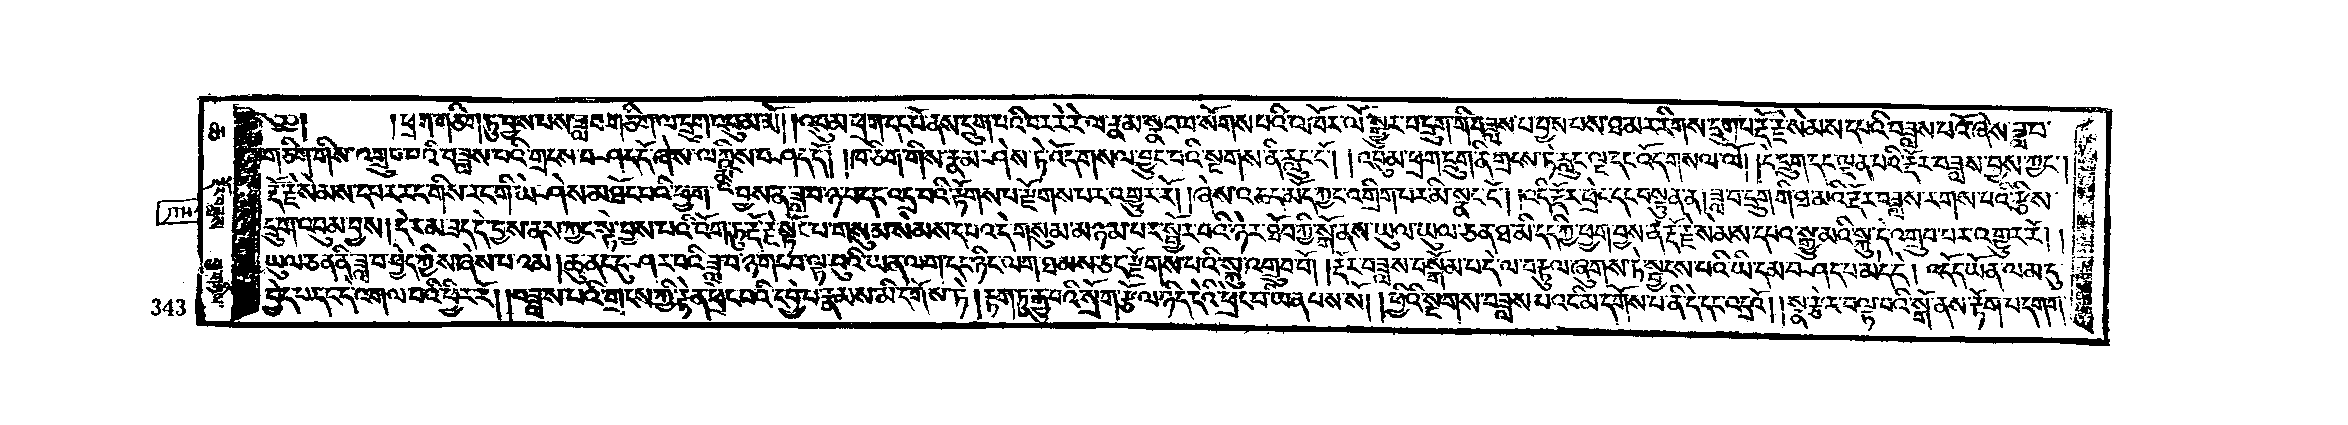༄༅། །ཕྲག་གཅིག་ཏུ་བྱས་པས་ཟླ་བ་གཅིག་ལ་དྲུག་འབུམ་མོ། །འབུམ་ཕྲག་དང་པོ་ནས་དྲུག་པའི་བར་རེ་རེ་ལ་རྣམ་སྣང་ལ་སོགས་པའི་འཁོར་ལོ་སྒྱུར་བ་དྲུག་གི་བཟླས་པ་བྱས་པས་ཐ་མར་རིགས་དྲུག་པ་རྡོ་རྗེ་སེམས་དཔའི་བཟླས་པའོ་ཞེས་ཟླ་བ་
གཅིག་གིས་འགྲུབ་པའི་བཟླས་པའི་གྲངས་བཤད་དོ་ཞེས་ལཀྵྨཱིས་བཤད་དོ། །ཁ་ཅིག་གིས་རྣམ་ཤེས་ཏེ་འོད་གསལ་བྱུང་བའི་སྔགས་ནི་རླུང་ངོ། །འབུམ་ཕྲག་དྲུག་ནི་གྲངས་ཏེ་རླུང་ལྔ་དང་འོད་གསལ་ལོ། །དེ་དྲུག་དང་ལྡན་པའི་རྡོར་བཟླས་བྱས་ཀྱང་།
རྡོ་རྗེ་སེམས་དཔར་རང་གིས་རང་གི་ཡེ་ཤེས་མཐོང་བའི་ཕྱག་བྱས་ན་ཟླ་བ་ཉ་བ་དང་འདྲ་བའི་རྟོགས་པ་རྫོགས་པར་འགྱུར་རོ། །ཞེས་འཆད་མོད་ཀྱང་འགྲིག་པར་མི་སྣང་ངོ། །འདི་རྡོར་ཕྲེང་དང་བསྟུན་ན། ཟླ་བ་དྲུག་གི་ཐ་མའི་རྡོར་བཟླས་རགས་པའི་རྩིས་
དྲུག་འབུམ་བྱས། དེར་མ་ཟད་དེ་བྱས་ནས་ཀྱང་སྟེ་བྱས་པའི་འོག་ཏུ་རྡོ་རྗེ་སྟོང་པ་གསུམ་སེམས་དཔའ་དེ་གསུམ་མཉམ་པར་སྦྱོར་བའི་ཉེར་ཐོབ་ཀྱི་སྒོ་ནས་ཡུལ་ཡུལ་ཅན་ཐ་མི་དད་ཀྱི་ཕྱག་བྱས་ན་རྡོ་རྗེ་སེམས་དཔའ་སྒྱུ་མའི་སྐུ་དེ་འགྲུབ་པར་འགྱུར་རོ།།
ཡུལ་ཅན་ནི་ཟླ་བ་ཕྱེད་ཀྱིས་ཞེས་པ་འམ། ཆུ་ནང་དུ་ཤར་བའི་ཟླ་བ་ཉ་གང་བ་ལྟ་བུའི་ཡན་ལག་དང་ཉིང་ལག་ཐམས་ཅད་རྫོགས་པའི་སྐུ་འགྲུབ་བོ། །རྡོར་བཟླས་བསྒོམ་པ་དེ་ལ་བརྟུལ་ཞུགས་ཏེ་སྦྱངས་པའི་ཡི་དམ་བཤད་པ་མེད་དེ། འདོད་ཡོན་ལམ་དུ་
བྱེད་པ་དང་དེ་འགལ་བའི་ཕྱིར་རོ། །བཟླས་པའི་གྲངས་ཀྱི་རྟེན་ཕྲེང་བའི་དབྱེ་བ་རྣམས་མི་དགོས་ཏེ། རྟག་ཏུ་རྒྱུ་བའི་སྲོག་རྩོལ་ཉིད་དེའི་ཕྲེང་བ་ཡིན་པས་སོ། །ཕྱིའི་སྔགས་བཟླས་པའང་མི་དགོས་པ་ནི་དེ་དང་འདྲའོ། །སྣ་རྩེར་བལྟ་བའི་སྒོ་ནས་རྟོག་པ་དགག་